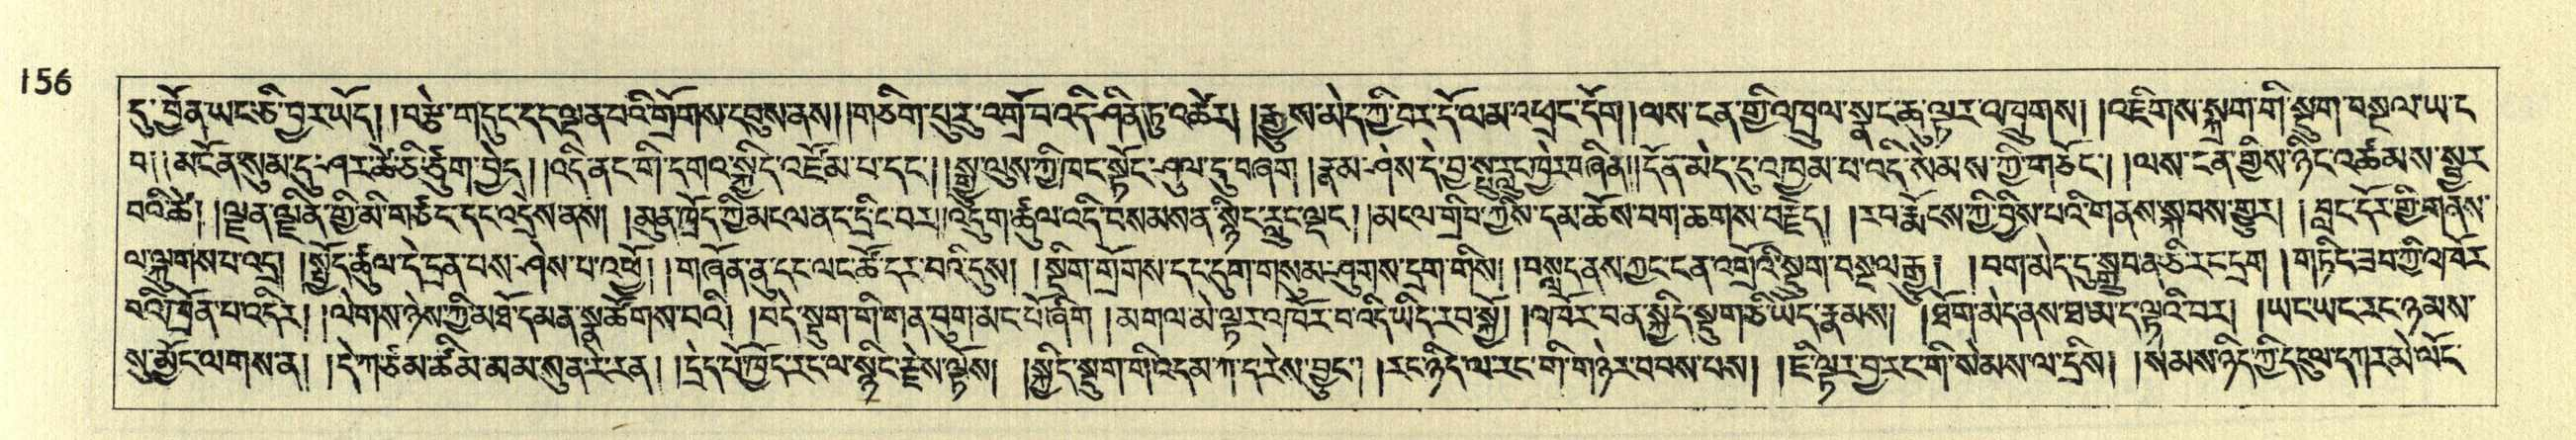དུ་བྱོན་ཡང་ཅི་བྱར་ཡོད། །བརྩེ་གདུང་དང་ལྡན་པའི་གྲོགས་དབུས་ནས། །གཅིག་པུ་རུ་འགྲོ་བ་འདི་ཤིན་ཏུ་འཚེར། །རྒྱུས་མེད་ཀྱི་བར་དོ་ལམ་འཕྲང་དོག། ལས་ངན་གྱི་འཁྲུལ་སྣང་ཆུ་ལྟར་འཁྲུགས། །འཇིགས་སྐྲག་གི་སྡུག་བསྔལ་ཡང་
བ༑ ༑མངོན་སུམ་དུ་ཤར་ཚེ་ཅི་ཙུག་བྱེད། །འདི་ནང་གི་དགའ་སྐྱིད་འཛོམ་པ་དང་། །སྒྱུ་ལུས་ཀྱི་ཁང་སྟོང་ཤུལ་དུ་བཞག །རྣམ་ཤེས་དེ་བྱ་སྤུ་རླུང་ཁྱེར་བཞིན། །དོན་མེད་དུ་འཁྱམ་པ་འདི་སེམས་ཀྱི་གཅོང་། །ལས་ངན་གྱིས་ཉིད་འཚམས་སྦྱར་
བའི་ཚེ། །ལྗན་ལྗིན་གྱི་མི་གཙང་དང་འདྲེས་ནས། །མུན་ཁྲོད་ཀྱི་མངལ་ནང་དྲི་ང་བར། །འདུག་ཚུལ་འདི་བསམས་ན་སྙིང་རླུང་ལྡང་། །མངལ་གྲིབ་ཀྱིས་དམ་ཆོས་བག་ཆགས་བརྗེད། །རབ་རྨོངས་ཀྱི་བྱིས་པའི་གནས་སྐབས་གྱུར། །བླང་དོར་གྱི་གནས་
ལ་ལྐུགས་པ་འདྲ། །སྤྱོད་ཚུལ་དེ་དྲན་པས་ཤེས་པ་འཕྱོ། །གཞོན་ནུ་དང་ལང་ཚོ་དར་བའི་དུས། །སྡིག་གྲོགས་དང་དུག་གསུམ་ཤུགས་དྲག་གིས། །བསླད་ནས་ཀྱང་ངན་འགྲོའི་སྡུག་བསྔལ་རྒྱུ། །བག་མེད་དུ་སྒྲུབ་ན་ཅི་རང་དྲག །གཏིང་ཟབ་ཀྱི་འཁོར་
བའི་ཁྲོན་པ་འདིར། །ལེགས་ཉེས་ཀྱི་མཐོ་དམན་སྣ་ཚོགས་བའི། །བདེ་སྡུག་གི་གན་བུག་མང་པོ་ཞིག །མགལ་མེ་ལྟར་འཁོར་བ་འདི་ཡིད་རབ་སྐྱོ། །འཁོར་བ་ན་སྐྱིད་སྡུག་ཅི་ཡོད་རྣམས། །ཐོག་མེད་ནས་ཐ་མ་ད་ལྟའི་བར། །ཡང་ཡང་རང་ཉམས་
སུ་མྱོང་ལགས་ན། །དེ་ཀ་ཙམ་ཚིམ་མམ་སུན་རེ་རན། །དྲེད་པོ་ཁྱོད་རང་ལ་སྙིང་རྗེས་ལྟོས། །སྐྱིད་སྡུག་གི་འདམ་ཀ་ད་རེས་བྱུང་། །རང་ཉིད་ལ་རང་གི་གཉེར་བབས་པས། །ཇི་ལྟར་བྱ་རང་གི་སེམས་ལ་དྲིས། །སེམས་ཉིད་ཀྱི་དངུལ་དཀར་མེ་ལོང་